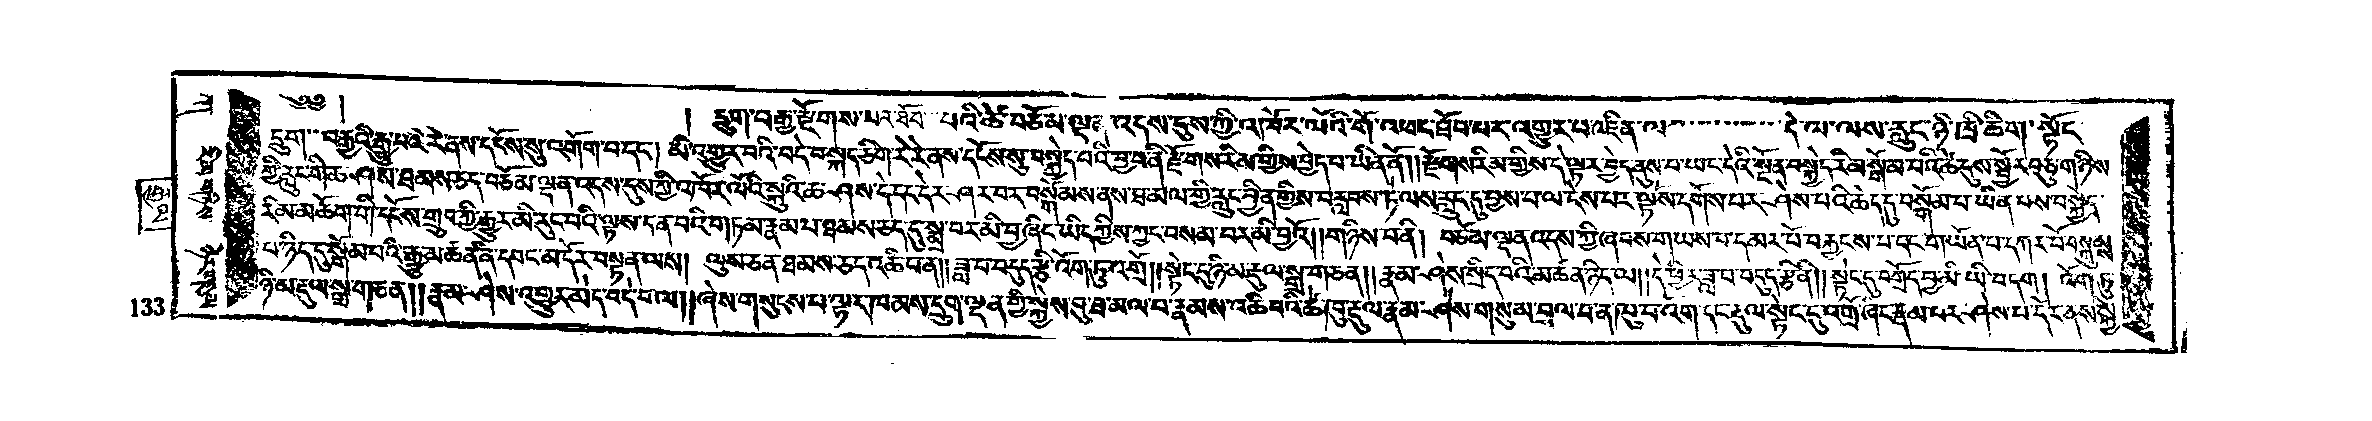༄༅། །དྲུག་བརྒྱ་རྫོགས་པར་ཐོབ་པའི་ཚེ་བཅོམ་ལྡན་འདས་དུས་ཀྱི་འཁོར་ལོའི་གོ་འཕང་ཐོབ་པར་འགྱུར་པ་འཛིན་ལ་དེ་ལ་ལས་རླུང་ཉི་ཁྲི་ཆིག་སྟོང་
དྲུག་བརྒྱའི་རྒྱུ་བའི་རེ་ནས་དངོས་སུ་འགོག་པ་དང་། མི་འགྱུར་བའི་བདེ་བ་སྐད་ཅིག་རེ་རེ་ནས་དངོས་སུ་བསྐྱེད་པའི་བྱ་བ་ནི་རྫོགས་རིམ་གྱིས་བྱེད་པ་ཡིན་ནོ། །རྫོགས་རིམ་གྱིས་དེ་ལྟར་བྱེད་ནུས་པ་ཡང་དེའི་སྔོན་བསྐྱེད་རིམ་སྒོམ་པའི་ཚེ་དུས་སྦྱོར་བཅུ་གཉིས་
ཀྱི་རླུང་གི་ཆ་ཤས་ཐམས་ཅད་བཅོམ་ལྡན་འདས་དུས་ཀྱི་འཁོར་ལོའི་སྐུའི་ཆ་ཤས་དེ་དང་དེར་ཤར་བར་བསྒོམས་ནས་ཐ་མལ་གྱི་རླུང་བྱིན་གྱིས་བརླབས་ཏེ་ལས་རླུང་དུ་བྱས་པ་ལ་ངེས་པར་ལྟོས་དགོས་པར་ཤེས་པའི་ཆེད་དུ་བསྒོམ་པ་ཡིན་པས་བསྐྱེད་
རིམ་མཆོག་གི་དངོས་གྲུབ་ཀྱི་རྒྱུར་མི་རུང་བའི་ལྟས་ངན་པའི་གཏམ་རྣམ་པ་ཐམས་ཅད་དུ་སྨྲ་བར་མི་བྱ་ཞིང་ཡིད་ཀྱིས་ཀྱང་བསམ་པར་མི་བྱའོ། །གཉིས་པ་ནི། བཅོམ་ལྡན་འདས་ཀྱི་ཞབས་གཡས་པ་དམར་པོ་བརྐྱངས་པ་དང་གཡོན་པ་དཀར་པོ་བསྐུམས་
པ་ཉིད་དུ་སྒོམ་པའི་རྒྱུ་མཚན་ནི་དབང་མདོར་བསྟན་ལས། ལུས་ཅན་ཐམས་ཅད་འཆི་བ་ནི། །ཟླ་བ་བདུད་རྩི་འོག་ཏུ་འགྲོ། །སྟེང་དུ་ཉི་མ་རྡུལ་སྒྲ་གཅན། །རྣམ་ཤེས་སྲིད་པའི་མཚན་ཉིད་ལ། །དེ་ཕྱིར་ཟླ་བ་བདུད་རྩི་ནི། །སྟེང་དུ་བགྲོད་བྱ་མི་ཡི་བདག །འོག་ཏུ་
ཉི་མ་རྡུལ་སྒྲ་གཅན། །རྣམ་ཤེས་འགྱུར་མེད་བདེ་བ་ལ། །ཞེས་གསུངས་པ་ལྟར་ཁམས་དྲུག་ལྡན་གྱི་སྐྱེས་བུ་ཐ་མལ་བ་རྣམས་འཆི་བའི་ཚེ་ཁུ་རྡུལ་རྣམ་ཤེས་གསུམ་བྲལ་བ་ན་ཁུ་བ་འོག་དང་རྡུལ་སྟེང་དུ་འགྲོ་ཞིང་རྣམ་པར་ཤེས་པ་དོར་ནས་སྐྱེ་